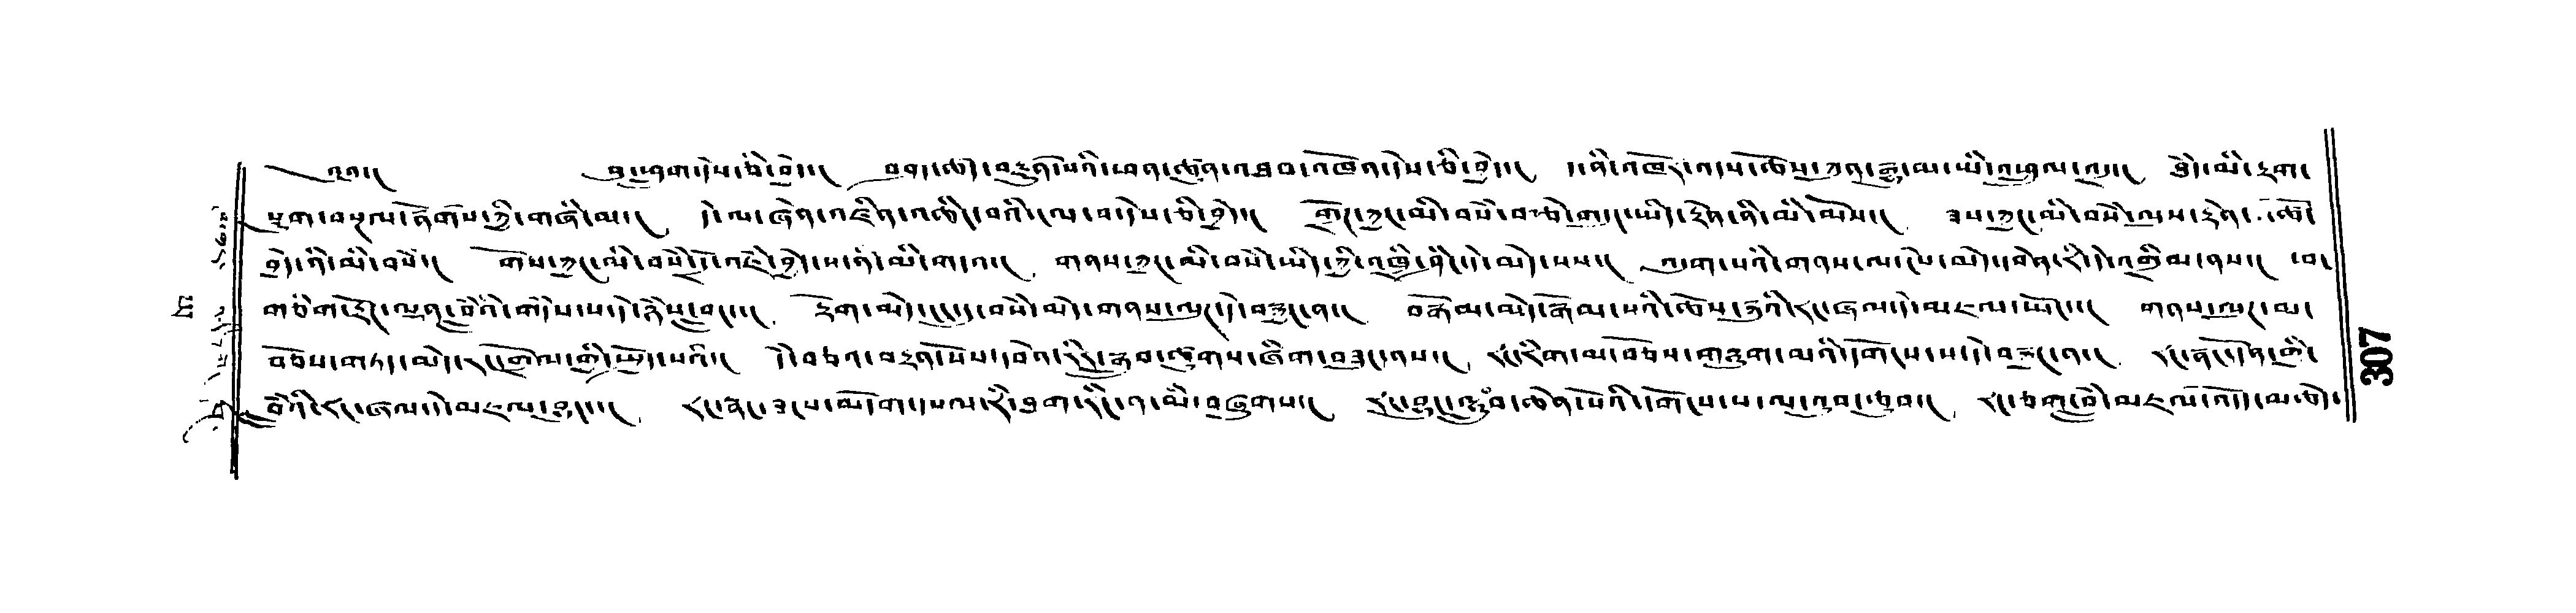བུ་ཕྲུག་དེས་ཅི་བྱེད། །བཤད་ཚད་བརྫུན་པའི་ཕན་ཚུན་འཐབ་འཁོན་དེས་ཅི་བྱེད། །ད་ནི་འཁོར་འདས་ཆོས་ཀུན་སྒྱུ་མ་ཡི་འཕྲུལ་འདྲ། །ཐམས་ཅད་མི་རྟག་
སྡུག་བསྔལ་སྣ་ཚོགས་ཀྱི་གཞི་མ། །དེ་ལ་ཞེན་འཛིན་འཆིང་བའི་ངལ་བ་དེས་ཅི་བྱེད། །གྲོགས་ཀྱང་མི་བསམ་བརྩེ་གདུང་ཡིད་རྟེན་ནི་མི་མོས། །ཟས་ཀྱང་མི་བསམ་ལུས་རྟེན་འཚོ་
བྱེད་ནི་མི་བསམ། །གོས་ཀྱང་མི་བསམ་དྲོ་འཇམ་བྱེད་པ་ནི་མི་གདའ། །གནས་ཀྱང་མི་བསམ་ཡིད་ཀྱི་འཁྲི་ཤིང་དེ་མེད་པས། །འདུག་པའི་གནས་ལ་ངེས་མེད་དབེན་རི་ད་འགྲིམ་ནས། །ཕ་
གཅིག་རྟོགས་ལྡན་བླ་མའི་གདམས་པ་དེ་ཉམས་བླང་། །རྟོག་མེད་ངང་དུ་བསམ་མེད་གནས་ལུགས་དེ་བསྐྱངས་ན། །བསྒོམ་མེད་སྒོམ་པའི་ཆོས་སྐུའི་རང་ཞལ་དེ་མཇལ་ཡོང་། །གནས་ལུགས་མ་
བཅོས་གཏད་མེད་རང་གྲོལ་གྱི་སྤྱོད་པའི། །དམ་བཅའ་བརྟན་པོས་དབེན་རིར་སྒྲུབ་ཚུགས་ཞིག་བཟུང་ནས། །རང་རིག་མ་བཅོས་གཉུག་མའི་དགོངས་པ་དེ་བསྐྱང་ན། །རང་སྣང་དོན་གྱི་བླ་
མའི་རང་ཞལ་དེ་མཇལ་བྱུང་། །རང་སྣང་ཟངས་མདོག་དཔལ་རི་ཐག་རིང་ན་མི་བཞུགས། །རང་བྱུང་ལྷུན་གྲུབ་ཆེན་པོའི་དགོངས་པ་ལ་འུབ་ཆུབ། །རང་ཅག་བླ་མ་མཇལ་འདོད་མཆེད་